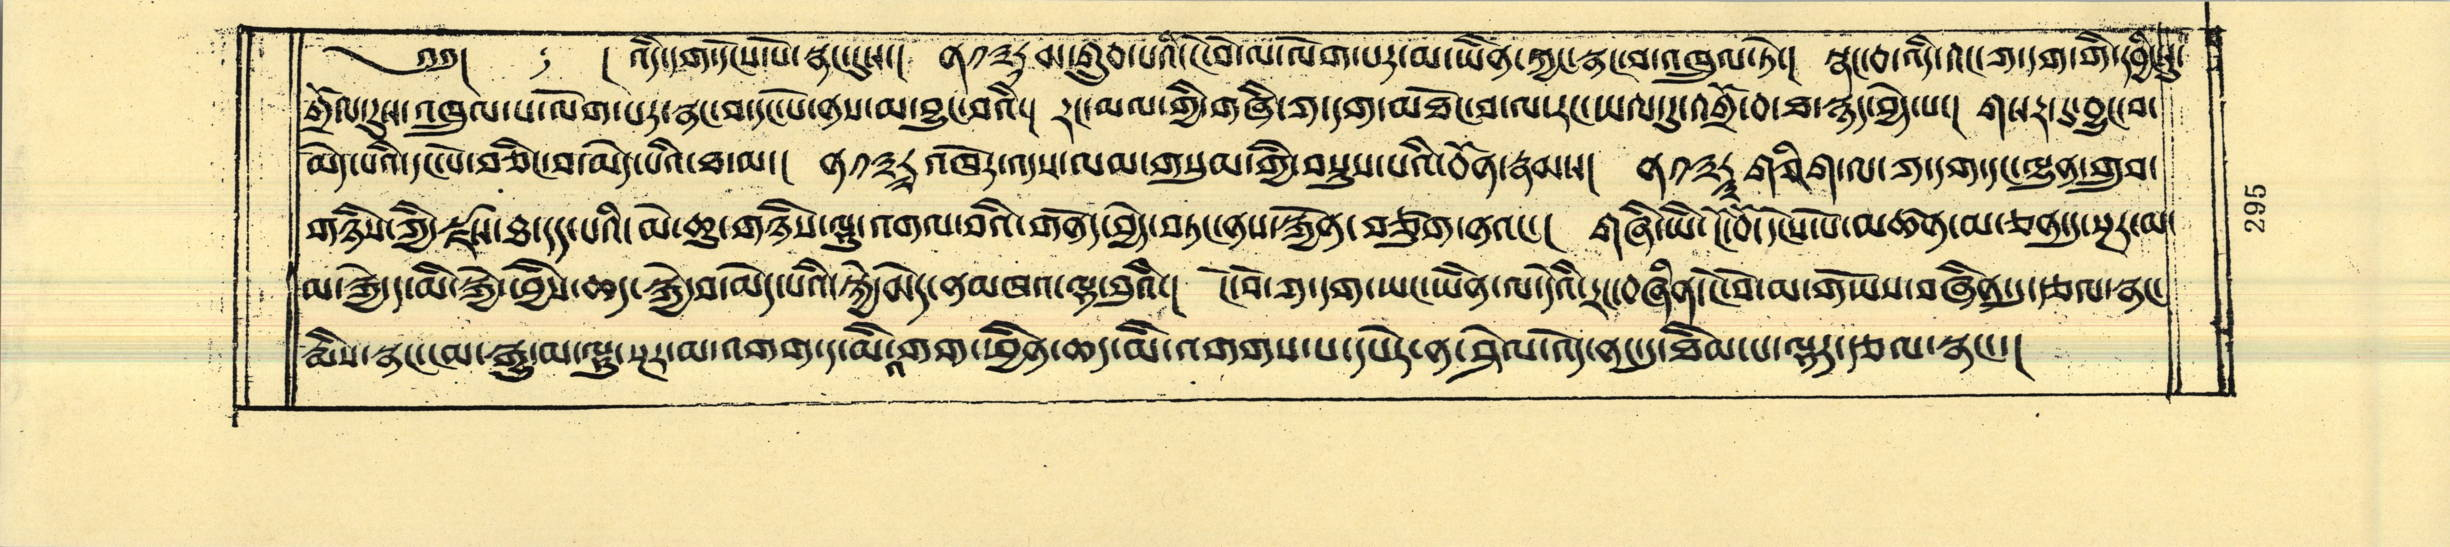འདི་དག་དངོས་པོ་ ༼སྣང་དུས།༽ན༡༣༨།༡ ༼མ་གྲུབ་པའི་༽ངོ་བོ་ལ་ལོག་པར་མ་ཡིན་ཀྱང་སྣང་བ་འཁྲུལ་ཏེ། ༼སྣང་བ་༽འདི་ ༼འང་༽ཀ་དག་གི་ ༼དབྱིངས་སུ་
གྲོལ་དུས་༽འཁྲུལ་པ་ལོག་པར་སྣང་བ་དང་པོ་ནས་མ་བྱུང་བའི། ༼རང་༽མལ་གྱི་གཞི་ཀ་དག་མཐོང་བ་ལ་རང་ ༼ཡལ་དུ་འགྲོ་བ་༽ཐ་སྙད་བྱེད་པ། ༼གསར་དུ་བྱུང་༽བ་
མེད་པའི་དང་པོ་བཅིང་བ་མེད་པའི་ཐ་ལ། ན༡༣༨།༢ འཁོར་འདས་ལམ་གསུམ་གྱི་བསྡུས་པའི་ ༼བོན་རྣམས།༽ན༡༣༨།༣ ༼གཅིག་ལ་༽ཀ་དག་དང་ལྷུན་གྲུབ་
གཉིས་ཀྱི་རྫས་ཐ་དད་པའི་མེ་ཆུ་གཉིས་ལྟ་བུ་འགལ་བའི་གནོད་བྱེད་བཏང་ནས་སྐྱོན་བཙུག་ནའང། ༼གཞི་ཡི་ངོ་བོ་༽དངོས་པོ་མཚན་མ་ཅན་དུ་སྔར་ལ་
མ་སྐྱེ་ད་མི་སྐྱེ་ཕྱིས་ཆད་སྐྱེ་བ་མེད་པའི་སྐྱེ་བ་མེད་པའི་ ༼སྐྱེ་མེད་༽ནམ་མཁའ་ལྟ་བུའི། ངོ་བོ་ཀ་དག་ཡང་ཡིན་ལ་དེའི་ ༼རང་བཞིན་༽ངོ་བོ་མ་གཡོས་བཞིན་དུ་རྩལ་སྣང་
རྨིས་སྣང་ངམ་སྒྱུ་མ་ལྟ་བུ་སྔར་མ་འགག་ད་མི་འགག་ཕྱིན་ཆད་མི་འགགས་པ་དཔེར་ན་ཤེལ་འོད་ནང་དུ་ཐིམ་པ་ལྟར་རྩལ་སྣང།